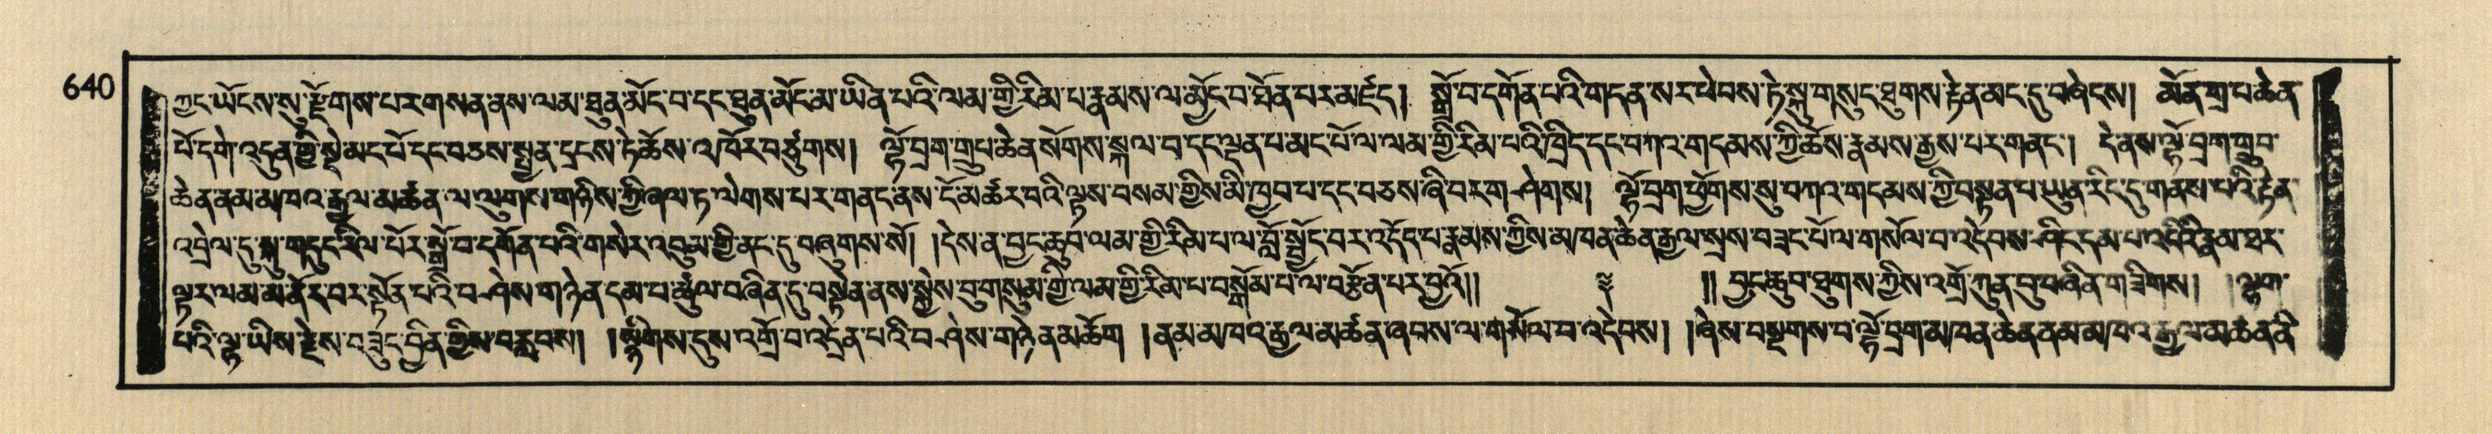ཀྱང་ཡོངས་སུ་རྫོགས་པར་གསན་ནས་ལམ་ཐུན་མོང་བ་དང་ཐུན་མོང་མ་ཡིན་པའི་ལམ་གྱི་རིམ་པ་རྣམས་ལ་མྱོང་བ་ཐོན་པར་མཛད། སྒྲོ་བ་དགོན་པའི་གདན་སར་ཕེབས་ཏེ་སྐུ་གསུང་ཐུགས་རྟེན་མང་དུ་བཞེངས། མོན་གྲ་པ་ཆེན་
པོ་དགེ་འདུན་གྱི་སྡེ་མང་པོ་དང་བཅས་སྤྱན་དྲངས་ཏེ་ཆོས་འཁོར་བཙུགས། ལྷོ་བྲག་གྲུབ་ཆེན་སོགས་སྐལ་བ་དང་ལྡན་པ་མང་པོ་ལ་ལམ་གྱི་རིམ་པའི་ཁྲིད་དང་བཀའ་གདམས་ཀྱི་ཆོས་རྣམས་རྒྱས་པར་གནང་། དེ་ནས་ལྷོ་བྲག་གྲུབ་
ཆེན་ནམ་མཁའ་རྒྱལ་མཚན་ལ་ལུགས་གཉིས་ཀྱི་ཞལ་ཏ་ལེགས་པར་གནང་ནས་ངོ་མཚར་བའི་ལྟས་བསམ་གྱིས་མི་ཁྱབ་པ་དང་བཅས་ཞི་བར་གཤེགས། ལྷོ་བྲག་ཕྱོགས་སུ་བཀའ་གདྨས་ཀྱི་བསྟན་པ་ཡུན་རིང་དུ་གནས་པའི་རྟེན་
འབྲེལ་དུ་སྐུ་གདུང་རིལ་པོར་སྒོར་བ་དགོན་བའི་གསེར་འབུམ་གྱི་ནང་དུ་བཞུགས་སོ། །དེས་ན་བྱང་ཆུབ་ལམ་གྱི་རིམ་པ་ལ་བློ་སྦྱོང་བར་འདོད་པ་རྣམས་ཀྱིས་མཁན་ཆེན་རྒྱལ་སྲས་བཟང་པོ་ལ་གསོལ་བ་འདེབས་ཤིང་དམ་པ་འདིའི་རྣམ་ཐར་
ལྟར་ལམ་མ་ནོར་བར་སྟོན་པའི་བཤེས་གཉེན་དམ་བ་ཚུལ་བཞིན་དུ་བསྟེན་ནས་སྐྱེས་བུ་གསུམ་གྱི་ལམ་གྱི་རིམ་པ་བསྒོམ་པ་ལ་བརྩོན་པར་བྱའོ།། ༈ །།བྱང་ཆུབ་ཐུགས་ཀྱིས་འགྲོ་ཀུན་བུ་བཞིན་གཟིགས། །ལྷག་
པའི་ལྷ་ཡིས་རྗེས་བཟུང་བྱིན་གྱིས་བརླབས། །སྙིགས་དུས་འགྲོ་བ་འདྲེན་པའི་བཤེས་གཉེན་མཆོག །ནམ་མཁའ་རྒྱལ་མཚན་ཞབས་ལ་གསོལ་བ་འདེབས། །ཞེས་བསྔགས་བ་ལྷོ་བྲག་མཁན་ཆེན་ནམ་མཁའ་རྒྱལ་མཚན་ནི་